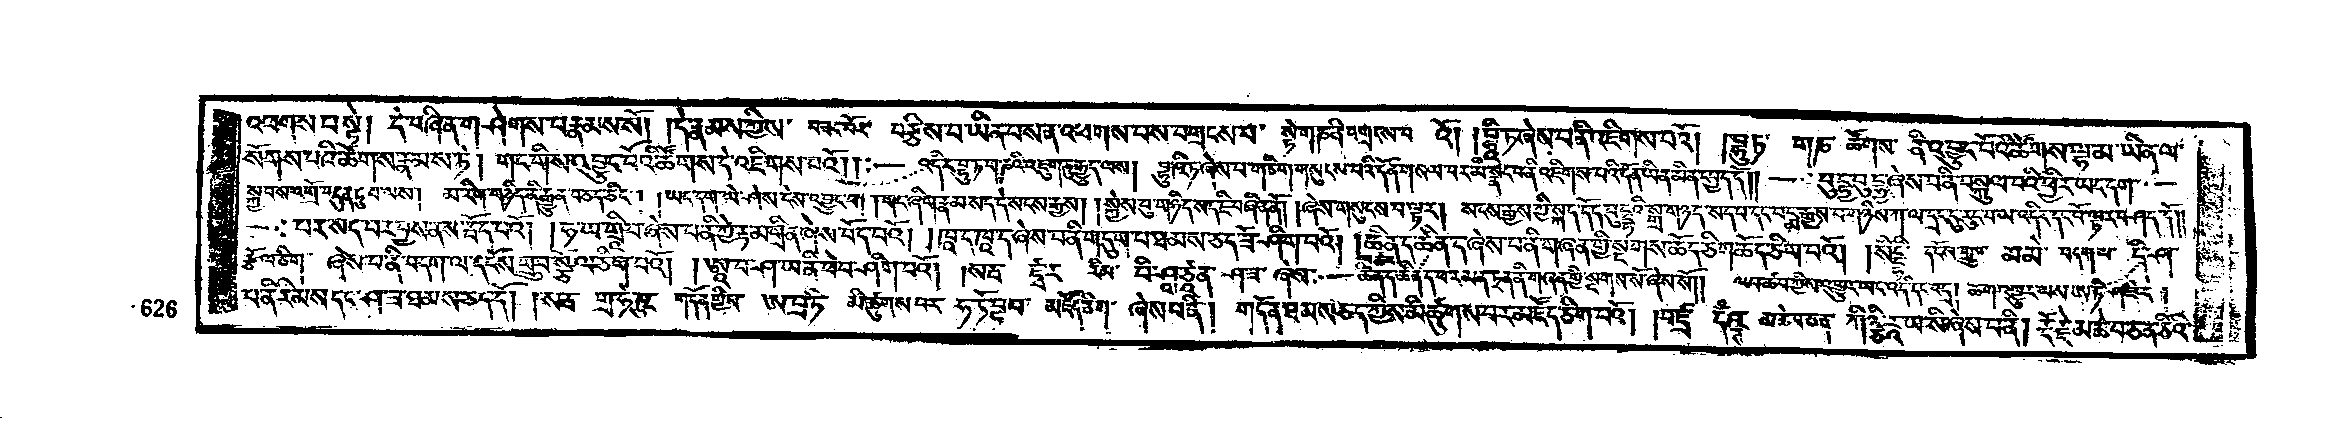འཕགས་པ་སྟེ། དེ་བཞིན་གཤེགས་པ་རྣམས་སོ། །དེ་རྣམས་ཀྱིས་བཟང་པོར་བརྩིས་པ་ཡིན་པས་ན་འཕགས་པས་བགྲངས་པ་སྟེ་ག་ཎ་ནི་བགྲངས་བའོ། །བྷཱི་ཏ་ཞེས་པ་ནི་འཇིགས་པའོ། །བྷུ་ཏ་ག་ཎ་ཚོགས་ནི་འབྱུང་པོའི་ཚོགས་ལྷ་མ་ཡིན་ལ་
སོགས་པའི་ཚོགས་རྣམས་ཏེ། གང་གིས་འབྱུང་པོའི་ཚོགས་དེ་འཇིགས་པའོ།། H.་འདིར་བྷུ་ཏ་ག་ཎའི་འཇུག་ཏུ་རྒྱུད་ལས། བྷུ་ཥི་ཏ་ཞེས་པ་གཅིག་གསུངས་པའི་དོན་གསལ་བར་མི་སྣང་བ་ནི་འཇིགས་པའི་དོན་ཡིན་མིན་དཔྱད་དོ།། .H བུདྷྱ་བུདྷྱ་ཞེས་པ་ནི་བསྐུལ་བའི་ཕྱིར་ཡང་དག་H.
སྐྱབས་འགྲོ་བདུན་ཅུ་པ་ལས། མ་རིག་གཉིད་ནི་རྒྱུན་བཅད་ཅིང་། །ཡང་དག་ཡེ་ཤེས་ངེས་འབྱུང་བ། །གང་ཞིག་རྣམས་སད་དེ་སངས་རྒྱས། །སྐྱེས་བུ་གཉིད་སད་ཇི་བཞིན་ནོ། །ཞེས་གསུངས་པ་ལྟར། སངས་རྒྱས་ཀྱི་སྐད་དོད་བུདྡྷའི་སྒྲ་གཉད་སད་པ་དང་པདམ་རྒྱས་པ་གཉིས་ཀ་ལ་དྲང་དུ་རུང་བ་ལ་འདིར་དང་པོ་ལྟར་བཤད་དོ།།
.H པར་སད་པར་བྱས་ནས་རྦོད་པའོ། །ཧ་ཡ་གྲཱི་བ་ཞེས་པ་ནི་ཀྱེ་རྟ་མགྲིན་ཞེས་བོད་པའོ། །ཁཱ་ད་ཁཱ་ད་ཞེས་པ་ནི་གདུག་པ་ཐམས་ཅད་ཟོ་ཤིག་པའོ། །ཚིན་ད་ཚིན་ད་ཞེས་པ་ནི་གཞན་གྱི་སྔགས་ཆོད་ཅིག་ཆོད་ཅིག་པའོ། །སིདྡྷི་དངོས་གྲུབ་མ་མེ་བདག་ལ་དི་ཤ་
རྩོལ་ཅིག་ཞེས་པ་ནི་བདག་ལ་དངོས་གྲུབ་སྩོལ་ཅིག་པའོ། །ཨཱ་བ་ཤ་ཡ་ནི་ཕབ་ཤིག་པའོ། །སརྦ་ཛྭྲ་ར་རིམ་པི་ཤཱ་ཙཱན་ཤ་ཟ་ཞེས་H.་པ་ཚབ་ཚིན་ད་ཚིན་ད་པ་ར་མན་ཏྲན་ནི་གཞན་གྱི་སྔགས་སོ་ཞེས་སོ།། ༧པ་ཚབ་ཀྱིས་འགྱུར་ཡང་འདི་དང་འདྲ། ཆག་འགྱུར་ལས་ཨ་ཏི་ཤ་ཟེར།
པ་ནི་རིམས་དང་ཤ་ཟ་ཐམས་ཅད་དེ། །སརྦ་གྲ་ཏེ་ཥུ་གདོན་གྱིས་ཨ་བྲ་ཏི་མི་ཚུགས་པར་ཧ་ཏོ་བྷ་བ་མཛོད་ཅིག་ཞེས་པ་ནི། གདོན་ཐམས་ཅད་ཀྱིས་མི་ཚུགས་པར་མཛོད་ཅིག་པའོ། །བཛྲ་དོཾཥྚ་མཆེ་བ་ཅན་ཀིཉྩི་རཱ་ཡ་སི་ཞེས་པ་ནི། རྡོ་རྗེ་མཆེ་བ་ཅན་ཅིའི་